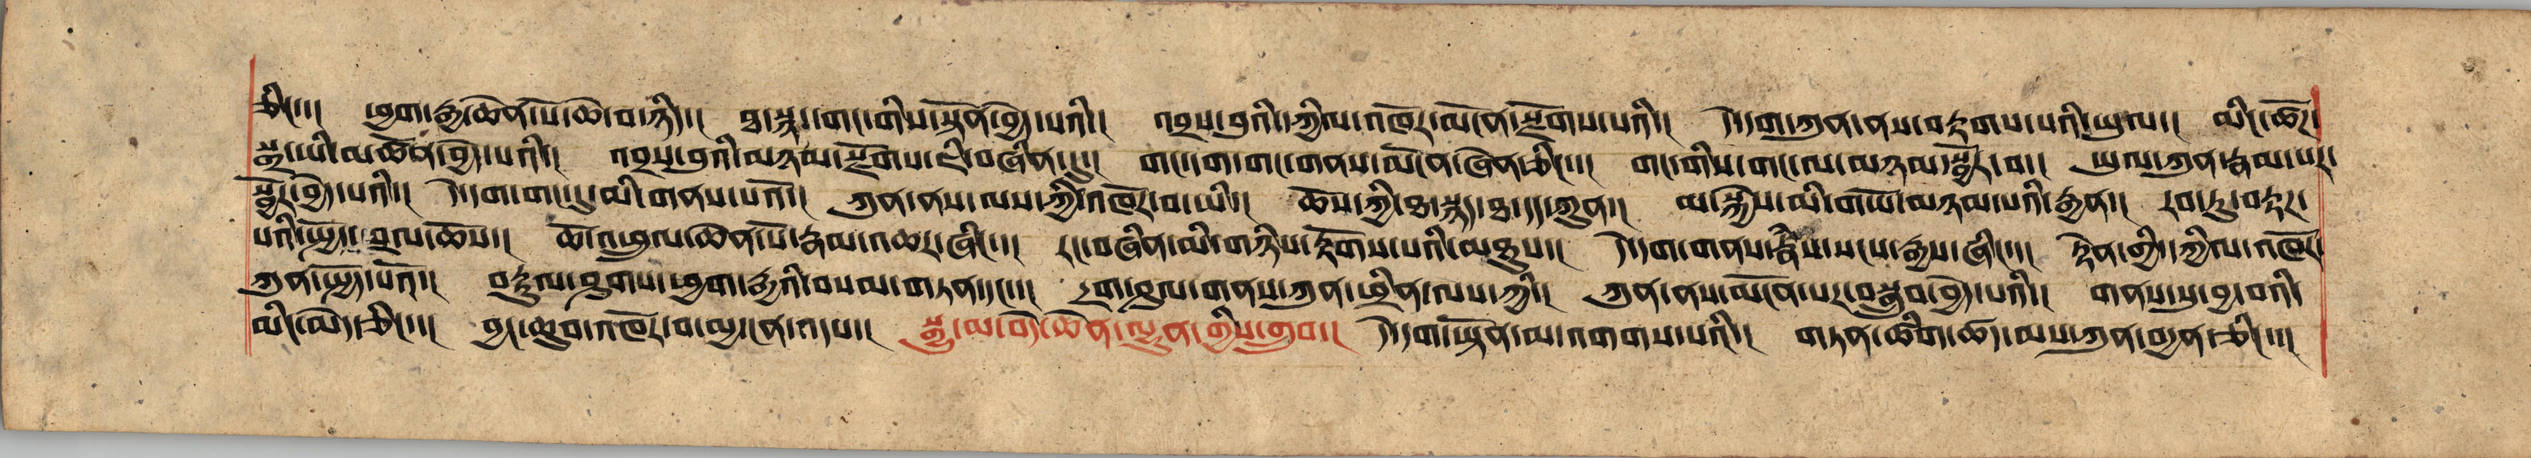ཅིང་་། ཕྱག་རྒྱ་ཆེན་པོ་ཆེ་བ་ཉིད་། ཐ་སྙད་གང་གིས་སྟོན་བྱེད་པའི་། འབྲས་བུའི་དཀྱིལ་འཁོར་མངོན་སྫོགས་པའི་། དེ་དག་ཀུན་ནས་བརྟགས་པའི་ཡུལ་། མིང་ཚོཌ་
སྒྲ་ཡི་མཚོན་བྱེད་པའི་། འབྲས་བུའི་མཉམ་སྫོགས་ཇི་བཞིན་དུ་། གང་དག་གང་གནས་མངོན་ཞེན་ཅིང་་། གང་གིས་གང་ལ་མཉམ་སྦྱོར་བ་། ཡུལ་ཀུན་རྣམ་པར་
སྦྱོར་བྱེད་པའི་། དེ་དག་གང་དུ་མི་གནས་པའོ་། ཀུན་ནས་ལས་ཀྱི་འཁོར་བ་ཡི་། ཆོས་ཀྱི་ཐ་སྙད་ཐ་དད་ཀུན་། མ་སྐྱེས་མི་གཡོ་མཉམ་པའི་རྒྱན་། རབ་ཏུ་བརྟཌ་
པའི་སྤྱོད་བྲལ་ཆོས་། ཆོ་འཕྲུལ་ཆེན་པོ་རྣམ་འཆར་ཞིང་་། རང་བཞིན་མི་གཉིས་རྟོགས་པའི་མཐུས་། དེ་དག་གནས་རྣཾས་སངས་རྒྱས་ཞིང་་། རྟེན་གྱི་དཀྱིལ་འཁོར་
ཀུན་སྤྱོད་པའོ་། བརྟུལ་ཤུགས་ཕྱག་རྒྱའི་བསམ་གཏན་དང་་། དྲག་ཤུལ་གནས་ཀུན་ཕྲིན་ལས་ཀྱི་། ཀུན་ནས་མངོན་པར་བསྒྲུབ་བྱེད་པའི་། གནས་སུ་བྱ་བའི་
མིང་མེད་ཅིང་་། བྱང་ཆུབ་འཁོར་བ་མྱ་ངན་འདས་། སྒྱུ་མ་བདེ་ཆེན་ལྷུན་གྱིས་གྲུབ་། དེ་དག་ཡྟོན་མ་འགགས་པའི་། གཏན་ཚིག་ཚད་མས་ཀུན་བདྱན་ཅིང་་།